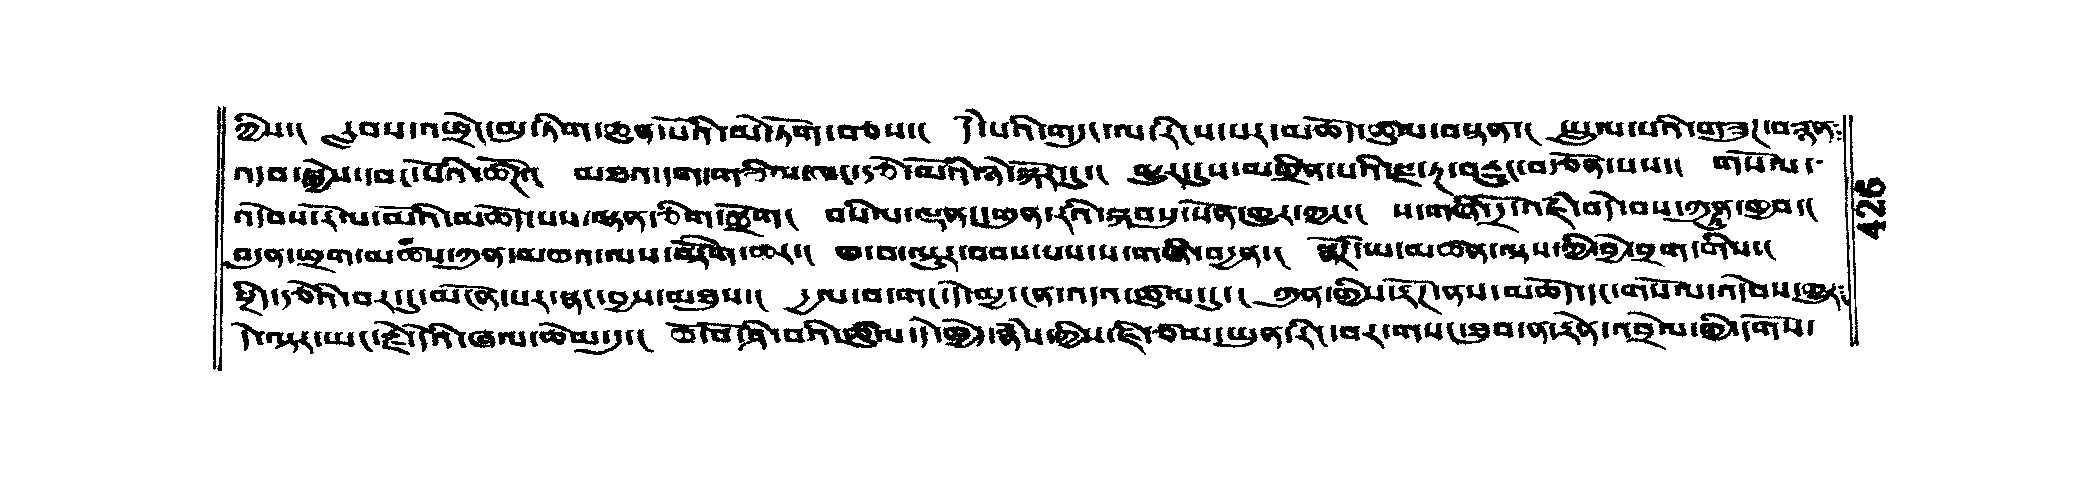ཀྱིས། །རླབས་ཕྲེང་མུ་ཏིག་ཆུན་པོའི་མེ་ཏོག་བཅས། །དམ་པའི་གདུང་ལ་རིངས་པར་མཆོད་ཚུལ་བསྟན། །སྤྲུལ་པའི་གཟུགས་བརྙན་
འདབ་སྐྱེས་དབང་པོའི་ཚོགས། །མཐའ་དག་གཟིམ་ཁང་རྩེ་མོའི་ཉེ་སྐོར་དུ། །མྱུར་དུ་མགྲིན་པའི་རྫ་རྔ་བརྡུང་བརྩོན་པས། །གསོལ་
འདེབས་རོལ་མོའི་མཆོད་པས་ལྷན་ཅིག་སྒྲོག །བསིལ་ལྡན་དགུན་རའི་སྐབས་སུ་སོན་གྱུར་ཀྱང་། །ས་གཞི་དྲོ་འཇམ་བདེ་བས་ཀུན་ཏུ་ཁྱབ། །
བདུན་ཕྲག་མཚམས་ཀུན་མཁའ་ལས་མེ་ཏོག་ཆར། །ཁ་བ་ལྟ་བུར་བབས་པས་ས་གཞི་བརྒྱན། །སྣ་ཚོགས་ཡ་མཚན་ལྟས་ཀྱི་བྱེ་བྲག་གིས། །
སྲིད་རྩེའི་བར་དུ་མངོན་པར་སྣང་བྱས་མཐུས། །རྒྱལ་བ་གང་དེ་མྱ་ངན་འདའ་ཚུལ་དུ། །ཀུན་གྱིས་རྟོགས་ནས་མཆོད་དང་གསོལ་འདེབས་གྱུར།། 
དེ་ལྟར་ཡང་རྗེ་དེའི་ཞལ་ཆེམ་དུ། ཁོ་བོ་ཤི་བའི་ཚུལ་དེ་ཁྱེད་རྣམས་ཀྱིས་ཇི་ཙམ་ཡུན་རིང་བར་གསང་ཐུབ་ན་རྟེན་འབྲེལ་གྱི་དགོས་